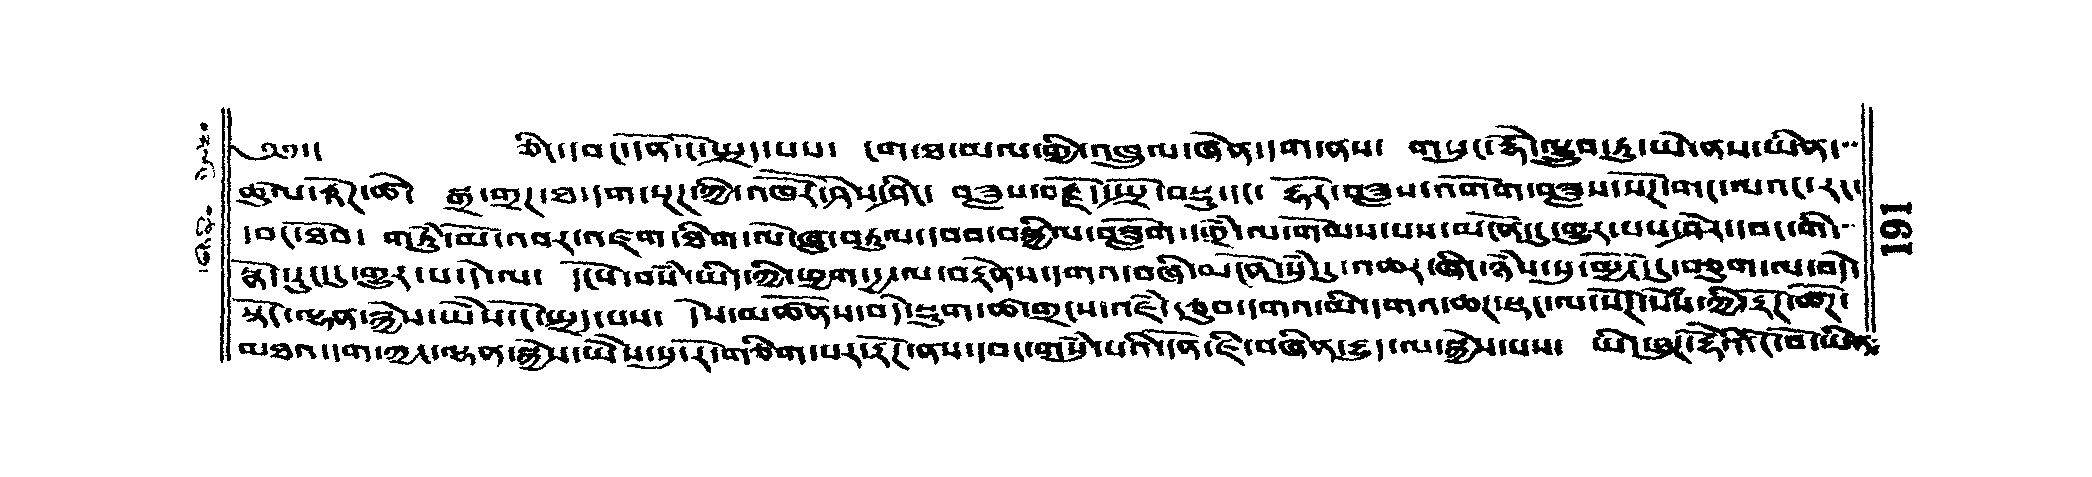ཅིང་དབང་དོན་ངོ་སྤྲད་པས། ངག་ཐ་མལ་གྱི་འཁྲུལ་ཞེན་དག་ནས། གསུང་རྡོ་རྗེ་ལྷུན་གྲུབ་ཏུ་ཡེ་ནས་ཡིན་
ཚུལ་རྟོགས་ཚེ། སྒྲ་གྲགས་མཐའ་དག་སྔགས་ཀྱི་འཁོར་ལོར་ཤེས་ཤིང་། བཟླས་བརྗོད་སྤྲོ་བསྡུ་དང་། རྡོར་བཟླས་འགོག་བཟླས་སོགས་གང་ལའང་རང་
དབང་ཐོབ། གཏུམ་མོ་འབར་འཛག་ཐིག་ལེ་ཞུ་བཏུལ་དབབ་བསྐྱིལ་བཟློག་དགྲམ་ལ་གོམས་པ་མངོན་དུ་གྱུར་པས་ཤེར་དབང་གི་
སྣོད་རུང་དུ་གྱུར་པ་དེ་ལ། དངོས་བསམ་ཡིད་ཀྱི་ཕྱག་རྒྱ་ལ་བརྟེན་ནས་དགའ་བཞི་མངོན་སུམ་དུ་འཆར་ཞིང་ཉམས་སུ་མྱོང་དུ་བཅུག་ལ་བདེ་
སྟོང་ལྷན་སྐྱེས་ཡེ་ཤེས་ངོ་སྤྲད་པས། དེས་མཚོན་ནས་བདེ་སྡུག་ཚ་གྲང་འཇམ་རྩུབ་དགའ་མི་དགའ་ཆགས་སྡང་ལ་སོགས་སེམས་ཀྱི་རྟོག་ཚོགས་
མཐའ་དག་ཀྱང་ལྷན་སྐྱེས་ཡེ་ཤེས་སུ་རོ་གཅིག་པར་རྟོགས་ནས་དབང་གསུམ་པའི་དོན་ཇི་བཞིན་རྒྱུད་ལ་སྐྱེས་པས།ཡིད་ཐུགས་རྡོ་རྗེའི་ངོ་བོ་ཡིན་